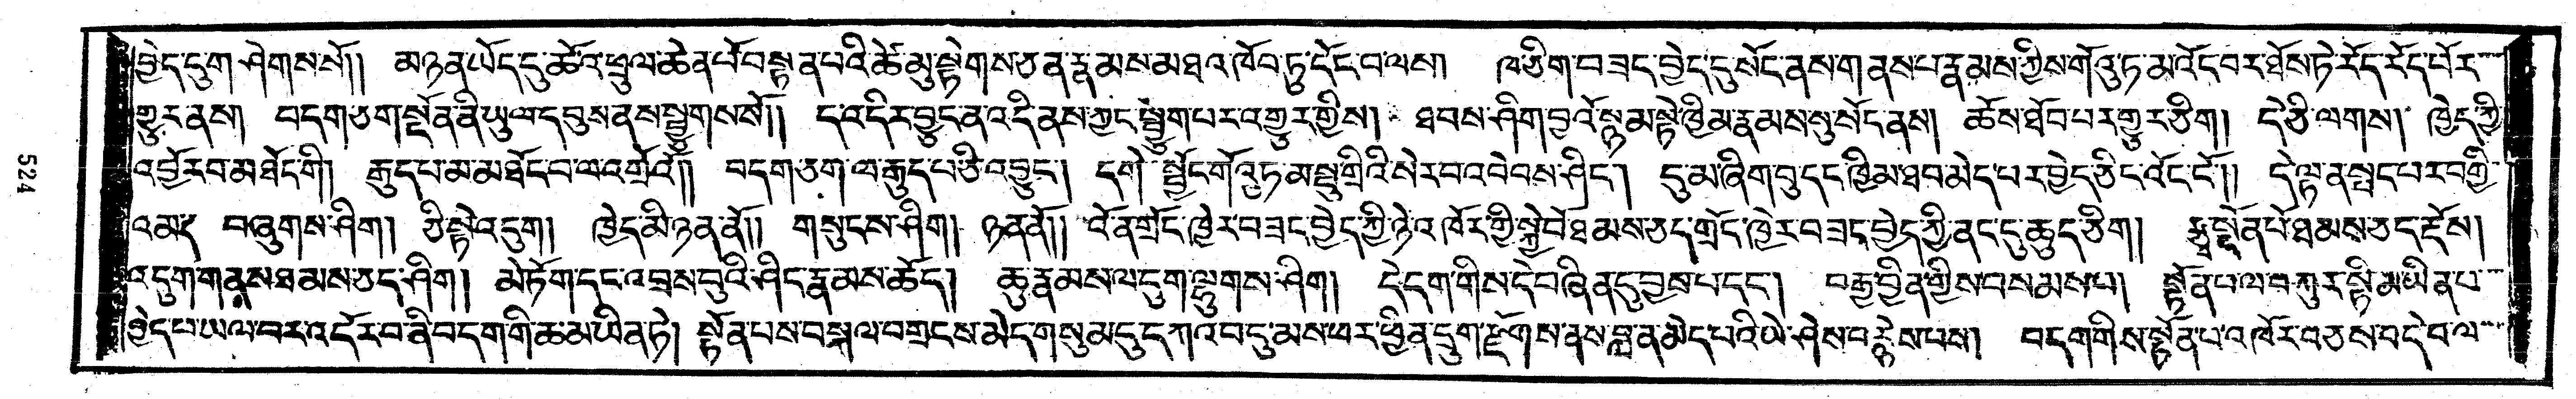བྱེད་དུ་གཤེགས་སོ།། མཉན་ཡོད་དུ་ཆོ་འཕྲུལ་ཆེན་པོ་བསྟན་པའི་ཚེ་མུ་སྟེགས་ཅན་རྣམས་མཐའ་ཁོབ་ཏུ་དོང་བ་ལས། ཁ་ཅིག་བཟང་བྱེད་དུ་སོང་ནས་གནས་པ་རྣམས་ཀྱིས་གོའུ་ཏ་མ་འོང་བར་ཐོས་ཏེ་རོད་རོད་པོར་
གྱུར་ནས། བདག་ཅག་སྡོན་ནི་ཡུལ་དབུས་ནས་སྦྱུགས་སོ།། ད་འདིར་བྱུང་ན་འདི་ནས་ཀྱང་སྦྱུག་པར་འགྱུར་གྱིས། ཐབས་ཤིག་བྱའོ་སྙམ་སྟེ་ཁྱིམ་རྣམས་སུ་སོང་ནས། ཆོས་ཐོབ་པར་གྱུར་ཅིག། དེ་ཅི་ལགས། ཁྱེད་ཀྱི་
འབྱོར་བ་མཐོང་གི། རྒུད་པ་མ་མཐོང་བ་ལ་འགྲོའོ།། བདག་ཅག་ལ་རྒུད་པ་ཅི་འབྱུང་། དགེ་སྦྱོང་གོའུ་ཏ་མ་སྦུ་གྲིའི་སེར་བ་འབེབས་ཤིང་། དུ་མ་ཞིག་བུ་དང་ཁྱིམ་ཐབ་མེད་པར་བྱེད་ཅིང་འོང་ངོ།། དེ་ལྟ་ན་སྤང་པར་བགྱི་
འམ༑ བཞུགས་ཤིག། ཅི་སྟེ་འདུག། ཁྱེད་མི་ཉན་ནོ།། གསུངས་ཤིག། ཉན་ནོ།། འོ་ན་གྲོང་ཁྱེར་བཟང་བྱེད་ཀྱི་ཉེ་འཁོར་གྱི་སྐྱེ་བོ་ཐམས་ཅད་གྲོང་ཁྱེར་བཟང་བྱེད་ཀྱི་ནང་དུ་ཆུད་ཅིག། རྩྭ་སྔོན་པོ་ཐམས་ཅད་རྡོས།
འདུག་གནས་ཐམས་ཅད་ཤིག། མེ་ཏོག་དང་འབྲས་བུའི་ཤིང་རྣམས་ཆོད། ཆུ་རྣམས་ལ་དུག་ལྷུགས་ཤིག། དེ་དག་གིས་དེ་བཞིན་དུ་བྱས་པ་དང་། བརྒྱ་བྱིན་གྱིས་བསམས་པ། སྟོན་པ་ལ་བཀུར་སྟི་མ་ཡིན་པ་
བྱེད་པ་ཡལ་བར་འདོར་བ་ནི་བདག་གི་ཆ་མ་ཡིན་ཏེ། སྟོན་པས་བསྐལ་བགྲངས་མེད་གསུམ་དུ་དཀའ་བ་དུ་མས་ཕར་ཕྱིན་དྲུག་རྫོགས་ནས་བླ་ན་མེད་པའི་ཡེ་ཤེས་བརྙེས་པས། བདག་གིས་སྟོན་པ་འཁོར་བཅས་བདེ་བ་ལ་